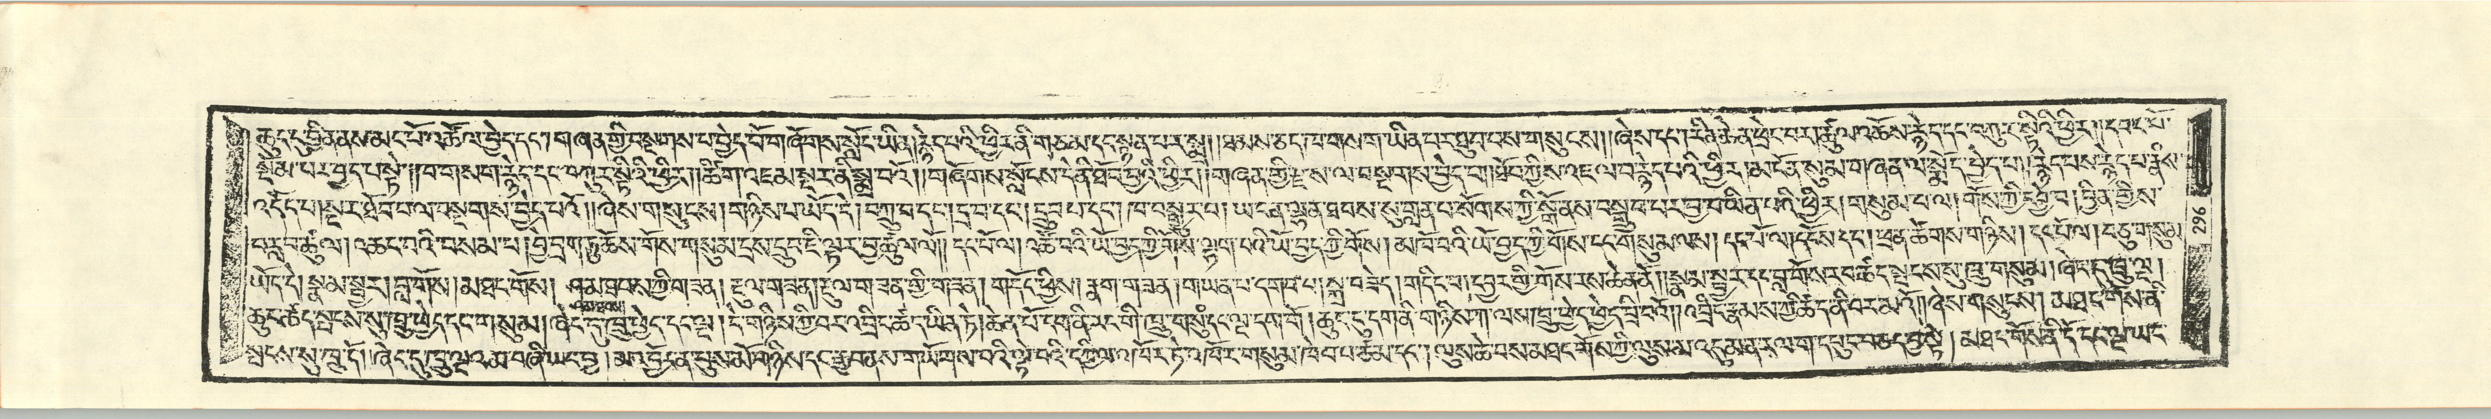ཆུང་དུ་བྱིན་ནས་མང་པོ་འཚོལ་བྱེད་དང་། གཞན་གྱི་བསྔགས་པ་བྱེད་པོ་གཞོགས་སློང་ཡིན། རྙེད་པའི་ཕྱིར་ནི་གཅམ་དང་སྙན་པར་སྨྲ། །ཐམས་ཅད་ཁ་གསག་ཡིན་པར་ཐུབ་པས་གསུངས། །ཞེས་དང་། རིན་ཆེན་ཕྲེང་བར། ཚུལ་འཆོས་རྙེད་དང་བཀུར་སྟིའི་ཕྱིར། །དབང་པོ་
སྡོམ་པར་བྱད་པ་སྟེ། ཁ་གསག་རྙེད་དང་བཀུར་སྟིའི་ཕྱིར། །ཚིག་འཇམ་སྔར་ནི་སྨྲ་བའོ། །གཞོགས་སློངས་དེ་ནི་ཐོབ་བྱའི་ཕྱིར། །གཞན་གྱི་རྫས་ལ་བསྔགས་བྱེད་པ། །ཐོབ་ཀྱིས་འཇལ་བ་རྙེད་པའི་ཕྱིར། མངོན་སུམ་གཞན་ལ་སྨོད་བྱེད་པ། །རྙེད་པས་རྙེད་པ་རྣམས་
འདོད་པ། སྔར་ཐོབ་པ་ལ་བསྔགས་བྱེད་པའོ། །ཞེས་གསུངས། གཉིས་པ་ཡོད་དེ། བཀྲུ་བ་དང་། དྲ་བ་དང་། དྲུབ་པ་དང་། ཁ་བསྒྱུར་བ། ཡང་ན་ལྷན་ཐབས་སུ་གླན་པ་སོགས་ཀྱི་སྒོ་ནས་བསྒྲུབ་པར་བྱ་བ་ཡིན་པའི་ཕྱིར། གསུམ་པ་ལ། གོས་ཀྱི་དབྱེ་བ། བྱིན་གྱིས་
བརླབ་ཚུལ། འཆང་བའི་བསམ་པ། བྱེ་བྲག་ཏུ་ཆོས་གོས་གསུམ་དྲས་དྲུབ་ཇི་ལྟར་བྱ་ཚུལ་ལོ། །དང་པོ་ལ། འཚོ་བའི་ཡོ་བྱད་ཀྱི་གོས་ལྷག་པའི་ཡོ་བྱད་ཀྱི་གོས། མཁོ་བའི་ཡོ་བྱད་ཀྱི་གོས་དང་གསུམ་ལས། དང་པོ་ལ། དངོས་དང་། ཕྲན་ཚེགས་གཉིས། དང་པོ་ལ། བཅུ་གསུམ་
ཡོད་དེ། སྣམ་སྦྱར། བླ་གོས། མཐང་གོས། ཤམ་ཐབས་ཀྱི་གཟན། རྔུལ་གཟན་གྱི་གཟན། གདོང་ཕྱིས། རྣག་གཟན། གཡན་པ་དགའ་བ། སྐྲ་བཟེད། གདིང་བ། དབྱར་གྱི་གོས་རས་ཆེན་ནོ། །སྣམ་སྦྱར་དང་བླ་གོས་རབ་ཚད་སྤངས་སུ་ཁྲུ་གསུམ། ཞེང་དུ་ཁྲུ་ལྔ།
ཆུང་ཚད་སྤངས་སུ་ཁྲུ་ཕྱེད་དང་གསུམ། ཞེང་དུ་ཤམ་ཐབས་ཁྲུ་ཕྱེད་དང་ལྔ། དེ་གཉིས་ཀྱི་བར་འབྲིང་ཚད་ཡིན་ཏེ། ཆེན་པོ་དག་ནི་རང་གི་ཁྲུ་གསུམ་དང་ལྔ་དག་གོ། ཆུང་དུ་དག་ནི་གཉིས་ཀ་ལས་ཁྲུ་ཕྱེད་ཕྱེད་བྲི་བའོ། །འབྲིང་རྣམས་ཀྱི་ཚད་ནི་བར་མའོ། །ཞེས་གསུངས། མཐང་གོས་ནི་
སྤངས་སུ་ཁྲུ་དོ། །ཞེང་དུ་ཁྲུ་ལྔའམ་བཞི་ཡང་བྱ། མ་འབྱོར་ན་པུས་མོ་གཉིས་དང་རྒྱབ་ནས་གཡོགས་བའི་ལྟེ་བའི་དཀྱིལ་འཁོར་གསུམ་ཁེབ་པ་ཙམ་དང་། ལུས་ཆེ་བས་མཐང་གོས་ཀྱི་ལུས་མ་འདུམ་ན་རལ་ག་དཔུང་བཅད་བྱ་སྟེ། མཐང་གོས་ནི་དོ་དང་ལྔ་ཡང་